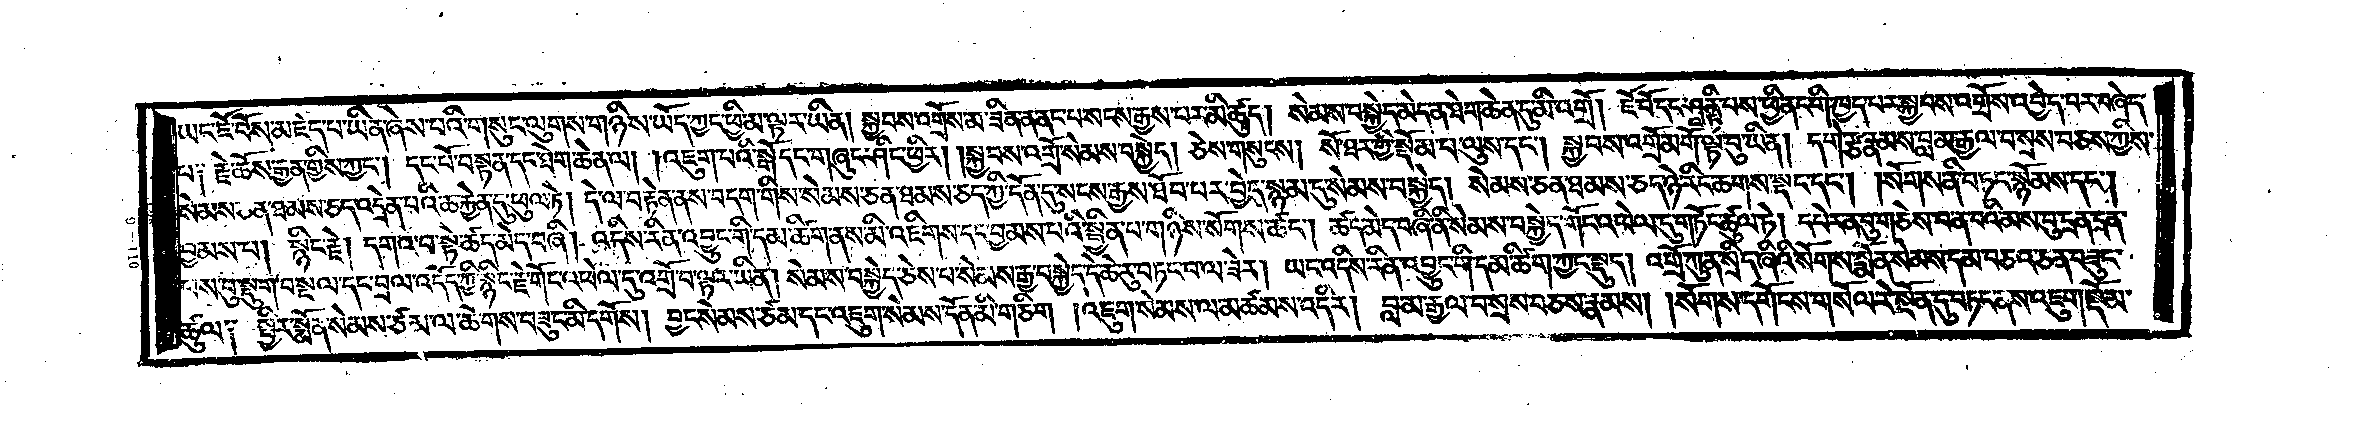ཡང་ཇོ་བོས་མཛད་པ་ཡིན་ཞེས་པའི་གསུང་ལུགས་གཉིས་ཡོད་ཀྱང་ཕྱི་མ་ལྟར་ཡིན། སྐྱབས་བགྲོས་མ་ཟིན་ན་ནང་པ་སངས་རྒྱས་པར་མི་ཚུད། སེམས་བསྐྱེད་མེད་ན་ཐེག་ཆེན་དུ་མི་འགྲོ། ཇོ་བོ་དང་ཤཱནྟི་པས་ཕྱི་ནང་གི་ཁྱད་པར་སྐྱབས་འགྲོས་འབྱེད་པར་བཞེད་
པ༑ རྗེ་ཆོས་རྒྱན་གྱིས་ཀྱང་། དང་པོ་བསྟན་དང་ཐེག་ཆེན་ལ། །འཇུག་པའི་སྒོ་དང་གཞུང་ཤིང་ཕྱིར། །སྐྱབས་འགྲོ་སེམས་བསྐྱེད། ཅེས་གསུངས། སོ་ཐར་གྱི་སྡོམ་པ་ལུས་དང་། སྐྱབས་འགྲོ་མ་གོ་ལྟ་བུ་ཡིན། དགེ་རྩ་རྣམས་བླ་མ་རྒྱལ་བ་སྲས་བཅས་ཀྱིས་
སེམས་ཅན་ཐམས་ཅད་འདྲེན་པའི་ཆ་རྐྱེན་དུ་ཕུལ་ཏེ། དེ་ལ་བརྟེན་ནས་བདག་གིས་སེམས་ཅན་ཐམས་ཅད་ཀྱི་དོན་དུ་སངས་རྒྱས་ཐོབ་པར་བྱེད་སྙམ་དུ་སེམས་བསྐྱེད། སེམས་ཅན་ཐམས་ཅད་ཉེ་རིང་ཆགས་སྡང་དང་། །སོགས་ནི་བཏང་སྙོམས་དང་།
བྱམས་པ། སྙིང་རྗེ། དགའ་བ་སྟེ་ཚད་མེད་བཞི། འདིས་རིན་འབྱུང་གི་དམ་ཚིག་ནས་མི་འཇིགས་དང་བྱམས་པའི་སྦྱིན་པ་གཉིས་སོགས་ཚང་། ཚད་མེད་བཞི་ནི་སེམས་བསྐྱེད་གོང་འཕེལ་དུ་གཏོང་ཚུལ་ཏེ། དཔེར་ན་བུ་གཅེས་པ་ན་བའི་མས་བུ་དྲན་དྲན་
པས་བུ་སྡུག་བསྔལ་དང་བྲལ་འདོད་ཀྱི་སྙིང་རྗེ་གོང་འཕེལ་དུ་འགྲོ་བ་ལྟར་ཡིན། སེམས་བསྐྱེད་ཅེས་པ་སེམས་རྒྱ་བསྐྱེད་དེ་ཆེ་རུ་བཏང་བ་ལ་ཟེར། ཡང་འདིས་རིན་འབྱུང་གི་དམ་ཚིག་ཀྱང་སྡུད། འགྲོ་ཀུན་སྲིད་ཞིའི་སོགས་སྨོན་སེམས་དམ་བཅའ་ཅན་བཟུང་
ཚུལ༑ སྤྱིར་སྨོན་སེམས་ཙམ་ལ་ཆོགས་བཟུང་མི་དགོས། བྱང་སེམས་ཙམ་དང་འཇུག་སེམས་དོན་མི་གཅིག །འཇུག་སེམས་ལ་མཚམས་འདིར། བླ་མ་རྒྱལ་བ་སྲས་བཅས་རྣམས། །སོགས་དགོངས་གསོལ་རེ་སྔོན་དུ་བཏང་ནས་འཇུག་སྡོམ་